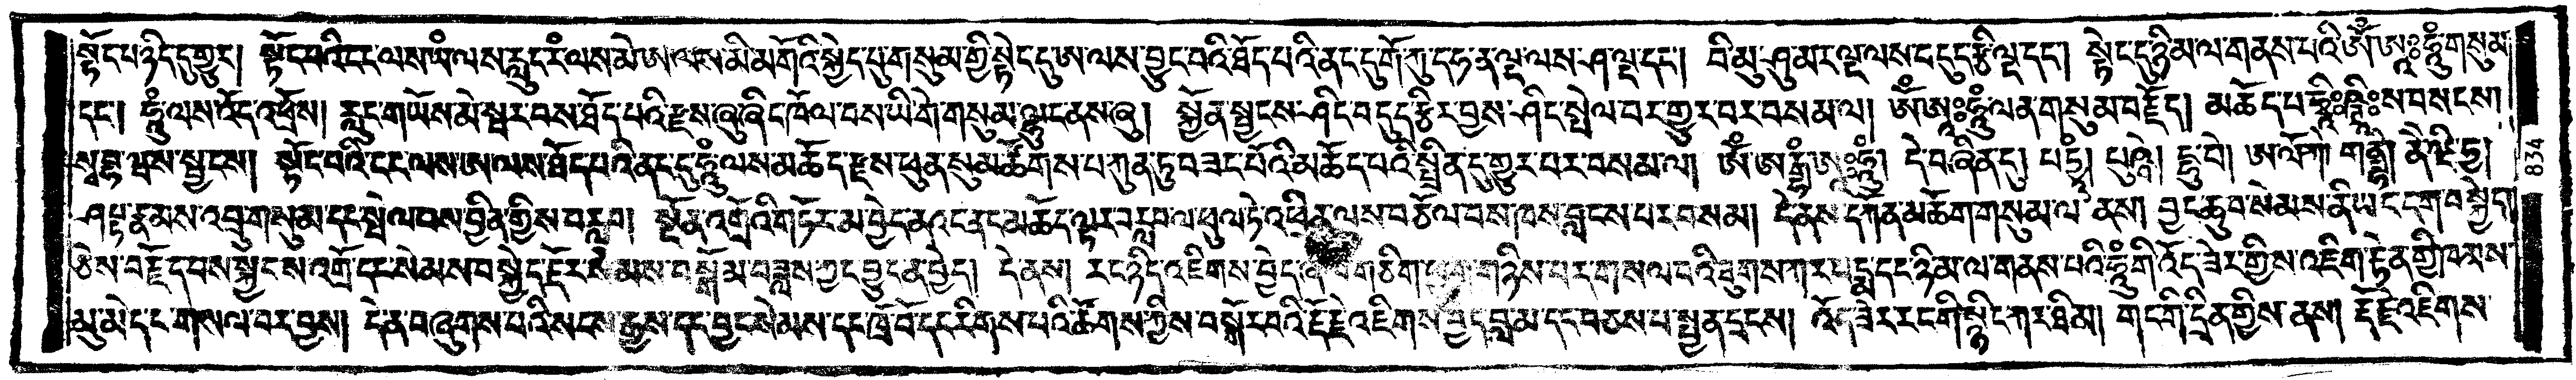སྟོང་པ་ཉིད་དུ་གྱུར། སྟོང་པའི་ངང་ལས་ཡཾ་ལས་རླུང་རཾ་ལས་མེ་ཨ་ལས་མེ་ཨ་ལས་མི་མགོའི་སྐྱེད་པུ་གསུམ་གྱི་སྟེང་དུ་ཨ་ལས་བྱུང་བའི་ཐོད་པའི་ནང་དུ་གོ་ཀུ་ད་ཧ་ན་ལྔ་ལས་ཤ་ལྔ་དང་། བི་མུ་ཤུ་མར་ལྔ་ལས་བདུད་རྩི་ལྔ་དང་། སྟེ་འདུ་ཉི་མ་ལ་གནས་པའི་ཨོཾ་ཨཱཿཧཱུཾ་གསུམ་
དང་། ཧཱུཾ་ལས་འོད་འཕྲོས། རླུང་གཡོས་མེ་སྦར་བས་ཐོད་པའི་རྫས་ཞུ་ཞིང་ཁོལ་བས་ཡི་གེ་གསུམ་ལྷུང་ནས་ཞུ། སྐྱོན་སྦྱངས་ཤིང་བདུད་རྩིར་བྱས་ཤིང་སྤལ་བར་གྱུར་པས་བསམ་ལ། ཨོཾ་ཨཱཿ ཧཱུཾ་ལན་གསུམ་བརྗོད། མཆོད་པ་ཧྲཱིཿ ཥྚཱིཿ ས་བསངས།
སྭ་བྷ་ཝས་སྦྱངས། སྟོང་པའི་ངང་ལས་ཨ་ལས་ཐོད་པའི་ནང་དུ་ཧཱུཾ་ལས་མཆོད་རྫས་ཕུན་སུམ་ཚོགས་པ་ཀུན་ཏུ་བཟང་པོའི་མཆོད་པའི་སྤྲིན་དུ་གྱུར་པར་བསམ་ལ། ཨོཾ་ཨརྒྷཾ་ཨཱཿ ཧཱུཾ། དེ་བཞིན་དུ། པདྱཱཾ། པུཥྦ། དྷུ་པེ། ཨ་ལོ་ཀེ། གནྡྷེ། ནཻ་ཝི་ཏྱ།
ཤཔྟ་རྣམས་འབྲུ་གསུམ་དང་སྤེལ་བས་བྱིན་གྱིས་བརླབ། སྔོན་འགྲོའི་གཏོར་མ་བྱེད་ནའང་ནང་མཆོད་ལྟར་བརླབ་ལ་ཕུལ་ཏེ་འཕྲིན་ལས་བཅོལ་པས་ཁས་བླངས་པར་བསམ། དེ་ནས་དཀོན་མཆོག་གསུམ་ལ་ནས། བྱང་ཆུབ་སེམས་ནི་ཡང་དག་བསྐྱེད།
ཅེས་བརྗོད་པས་སྐྱངས་འབྲོར་སེམས་བསྐྱེད་རྡོར་སེམས་བསྒོམ་བཟླས་ཀྱང་བྱུང་ན་བྱེད། དེ་ནས། རང་ཉིད་འཇིགས་བྱེད་ཞལ་གཅིག་ཕྱག་གཉིས་པར་གསལ་དའི་ཐུགས་ཀར་པདམ་དང་ཉི་མ་ལ་གནས་པའི་ཧཱུཾ་གི་འོད་ཟེར་གྱིས་འཇིག་རྟེན་གྱི་ཁམས་
མུ་མེད་པ་གསལ་བར་བྱས། དེན་བཞུགས་པའི་སངས་རྒྱས་དང་རྒྱང་སེམས་དང་ཁྲོ་བོ་དང་རིགས་པའི་ཚོགས་ཀྱིས་བསྐོར་བའི་རྡོ་རྗེ་འཇིགས་བྱེད་བླ་མ་དང་གཅས་པ་སྤྱན་དྲངས། འོད་ཟེར་རང་གི་སྙིང་ཀར་ཐིམ། གང་གི་དྲིན་གྱིས་ནས། རྡོ་རྗེ་འཇིགས་